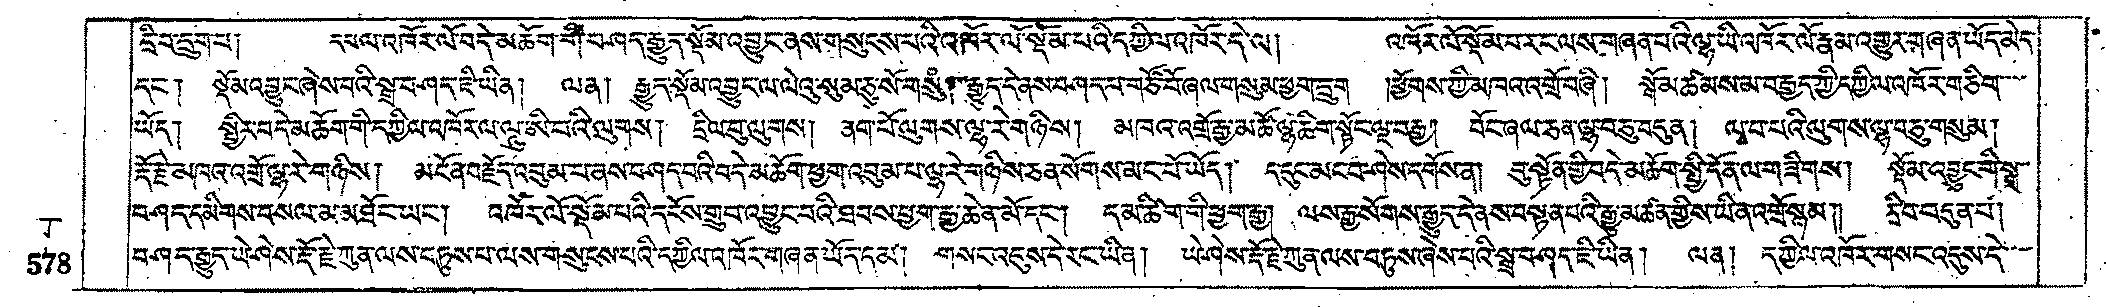དྲི་བ་དྲུག་པ། དཔལ་འཁོར་ལོ་བདེ་མཆོག་གི་བཤད་རྒྱུད་སྡོམ་འབྱུང་ནས་གསུངས་པའི་འཁོར་ལོ་སྡོམ་པའི་དཀྱིལ་འཁོར་དེ་ལ། འཁོར་ལོ་སྡོམ་པ་རང་ལས་གཞན་པའི་ལྷ་ཡི་འཁོར་ལོ་རྣམ་འགྱུར་གཞན་ཡོད་མེད་
དང་། སྡོམ་འབྱུང་ཞེས་པའི་སྒྲ་བཤད་ཇི་ཡིན། ལན། རྒྱུད་སྡོམ་འབྱུང་ལ་ལེའུ་སུམ་ཅུ་སོ་གསུཾ། རྒྱུད་དེ་ནས་བཤད་པ་གཙོ་བོ་ཞལ་གསུམ་ཕྱག་དྲུག །ཕྱོགས་ཀྱི་མཁའ་འགྲོ་བཞི། སྒོ་མཚམས་མ་བརྒྱད་ཀྱི་དཀྱིལ་འཁོར་གཅིག་་་
ཡོད། སྤྱིར་བདེ་མཆོག་གི་དཀྱིལ་འཁོར་ལ་ལཱུ་ཨི་པའི་ལུགས། དྲིལ་བུ་ལུགས། ནག་པོ་ལུགས་ལྷ་རེ་གཉིས། མཁའ་འགྲོ་རྒྱ་མཚོ་ལྷ་ཆིག་སྟོང་ལྔ་བརྒྱ། བོང་ཞལ་ཅན་ལྷ་བཅུ་བདུན། ལྭ་བ་པའི་ལུགས་ལྷ་བཅུ་གསུམ།
རྡོ་རྗེ་མཁའ་འགྲོ་ལྷ་རེ་གཉིས། མངོན་བརྗོད་འབུམ་པ་ནས་བཤད་པའི་བདེ་མཆོག་ཕྱག་འབུམ་པ་ལྷ་རེ་གཉིས་ཅན་སོགས་མང་པོ་ཡོད། ད་དུང་མང་བཤེས་དགོས་ན། བུ་སྟོན་གྱི་བདེ་མཆོག་སྤྱི་དོན་ལ་གཟིགས། སྡོམ་འབྱུང་གི་སྒྲ་་་
བཤད་དམིགས་བསལ་མ་མཐོང་ཡང་། འཁོར་ལོ་སྡོམ་པའི་དངོས་གྲུབ་འབྱུང་པའི་ཐབས་ཕྱག་རྒྱ་ཆེན་མོ་དང་། དམ་ཚིག་གི་ཕྱག་རྒྱ། ལས་རྒྱ་སོགས་རྒྱུད་དེ་ནས་བསྟན་པའི་རྒྱུ་མཚན་གྱིས་ཡིན་འགྲོ་སྙམ།། དྲི་བ་བདུན་པ།
བཤད་རྒྱུད་ཡེ་ཤེས་རྡོ་རྗེ་ཀུན་ལས་བཏུས་པ་ལས་གསུངས་པའི་དཀྱིལ་འཁོར་གཞན་ཡོད་དམ། གསང་འདུས་དེ་རང་ཡིན། ཡེ་ཤེས་རྡོ་རྗེ་ཀུན་ལས་བཏུས་ཞེས་པའི་སྒྲ་བཤད་ཇི་ཡིན། ལན། དཀྱིལ་འཁོར་གསང་འདུས་དེ་་་